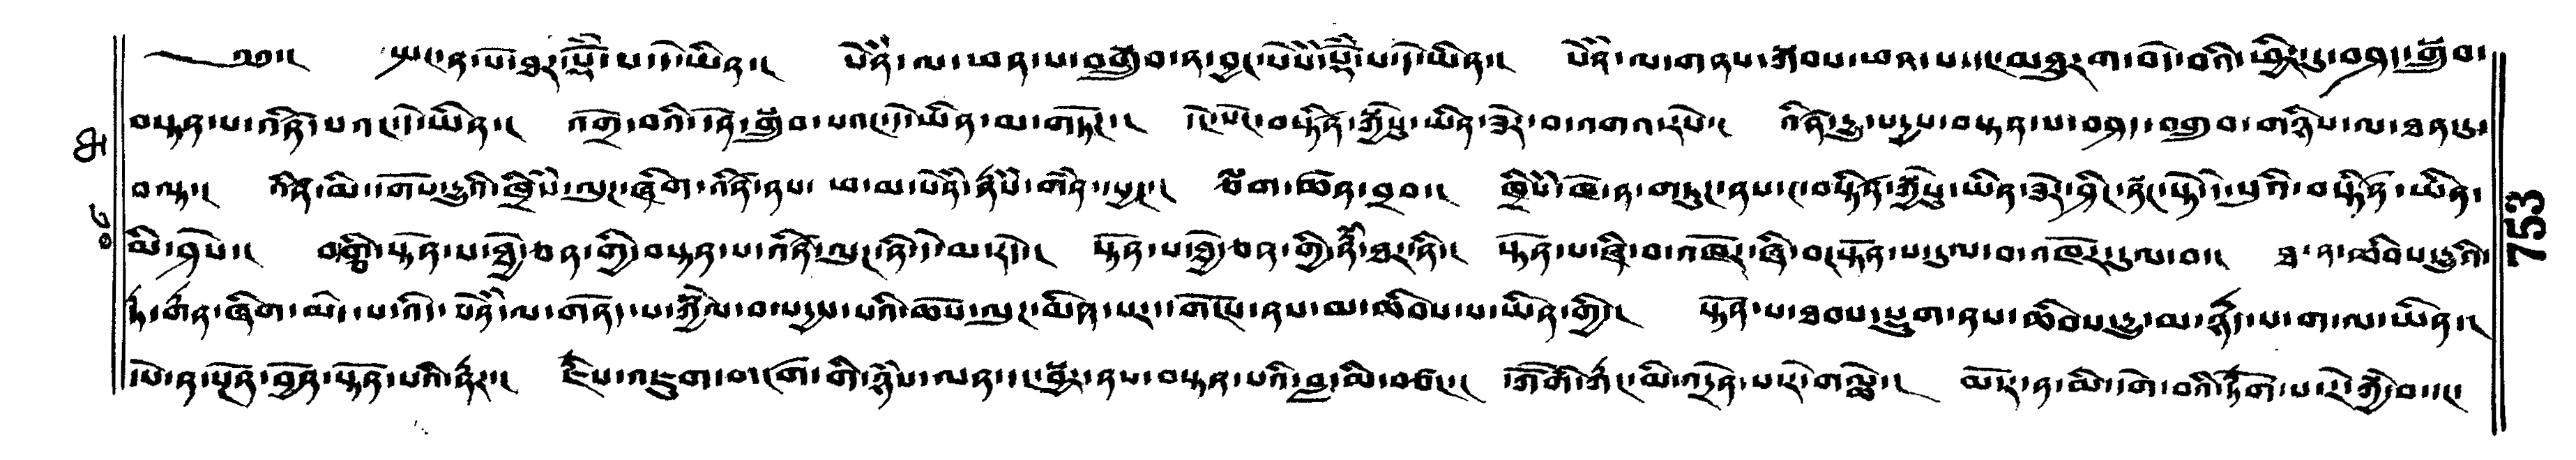སྤངས་ན་སོ་ཐར་སྡོམ་པ་དེ་ཡིན། སེམས་ཅན་ལ་ཕན་པ་བསྒྲུབ་ན་བྱང་སེམས་སྡོམ་པ་དེ་ཡིན། སེམས་ཅན་ལ་གནས་སྐབས་ཕན་པ་དང་མཐར་ཐུག་བདེ་བའི་ཕྱིར་དུ་བཤད་སྒྲུབ་ཀྱི་
བསྟན་པ་འཛིན་པའང་དེ་ཡིན། འགྲོ་བའི་དོན་སྒྲུབ་པའང་དེ་ཡིན་མ་གཏོགས། དེང་སང་བསྟན་འཛིན་སྐྱེས་བུ་ཡིན་ཟེར་བ་འགའ་རེས། འཛིན་རྒྱུ་སངས་རྒྱས་བསྟན་པ་བཤད་འགྲུབ་གཉིས་ལ་ཐན་དུ་
བལྟ། འཛིན་མི་དགོས་རྒྱུའི་ཁྲིམས་ལུགས་ཞིག་འཛིན་ནས་ཕ་མ་སེམས་ཅན་རྣམས་གནམ་ལ་དཔྱང་། ལྕག་ཚན་བྲབ། ཁྲིམས་ཁོ་ནར་གཏུགས་ནས་ང་བསྟན་འཛིན་སྐྱེས་བུ་ཡིན་ཟེར་ཞིང་སྣང་སྟེ་དེ་སུའི་བསྟན་འཛིན་ཡིན་
མི་ཤེས། བདག་ཅག་གི་སྟོན་པ་ཐུགས་རྗེ་ཅན་གྱི་བསྟན་པ་འཛིན་ལུགས་ནི་དེ་མ་རེད། སྟོན་པ་ཐུགས་རྗེ་ཅན་གྱི་རྣམ་ཐར་ནི། སྟོན་པ་ཞི་བ་འཁོར་ཞི་བ། སྟོན་པ་དུལ་བ་འཁོར་དུལ་བ། ཐ་ན་ཆིབས་རྒྱུའི་
རྟ་རྒན་ཞིག་མེད་པ་འདི་སེམས་ཅན་ལ་གནོད་པ་སྐྱེལ་བ་སངས་རྒྱས་པའི་ཆོས་ལུགས་མིན་པར་དགོངས་ནས་མ་ཆིབས་པ་ཡིན་གྱི། སྟོན་པ་ཐབས་སྡུག་ནས་ཆིབས་རྒྱུ་མ་རྙེད་པ་ག་ལ་ཡིན། 
དེས་ན་སྔོན་བྱོན་སྟོན་པའི་རྣམ་ཐར། རྗེས་འཇུག་བདག་ཅག་གི་ཉམས་ལེན་དང་སྦྱར་ནས་བསྟན་པའི་བླ་མི་བཙོང་། དཀོན་མཆོག་གི་རྐང་མི་འདྲེན་པ་རེ་གལ་ཆེ། མདོར་ན་མི་དགེ་བའི་རྟོག་པ་རེ་སྐྱེ་བ་དང་